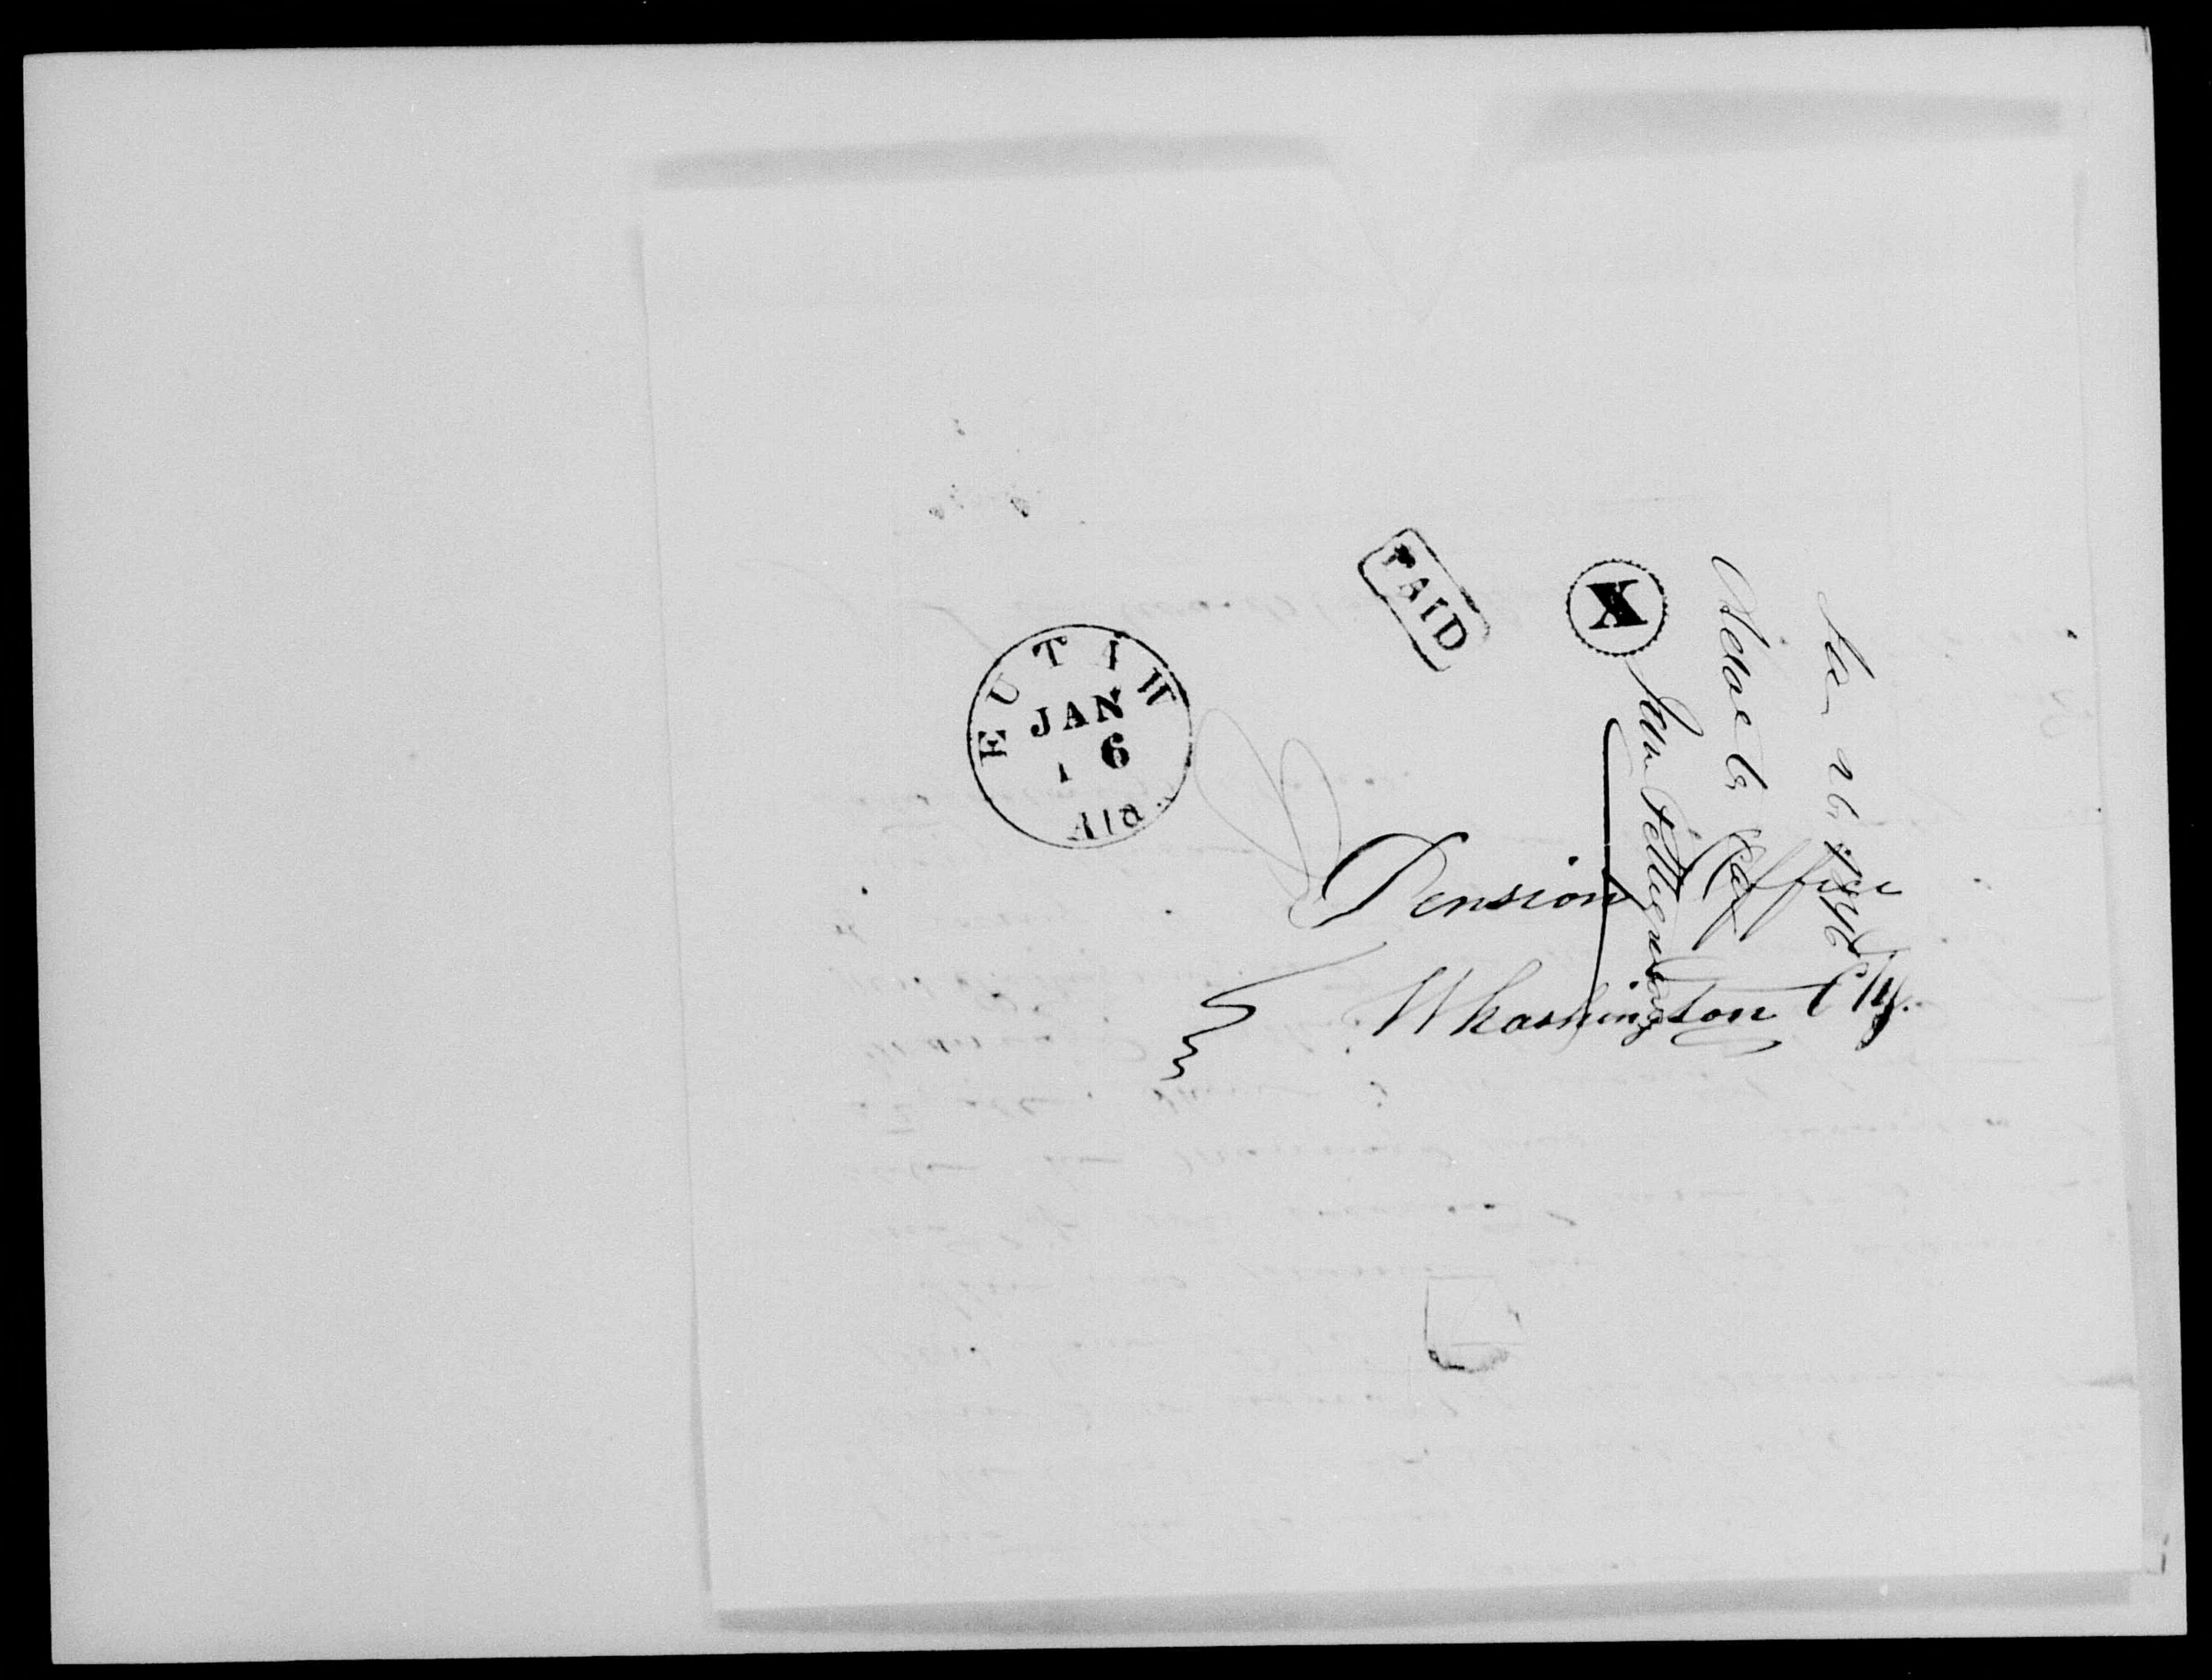Pension Office Washington City.

Jan 36 1846
Aelac 6 ca
Jan Pettigrew 

["PAID" ink stamp]
["X" ink stamp]
["E U T A H JAN 16 Ala" ink stamp]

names: Jane Pettigrew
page: 37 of 92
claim: widow's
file: W. 5522, for James Pettigrew, South Carolina